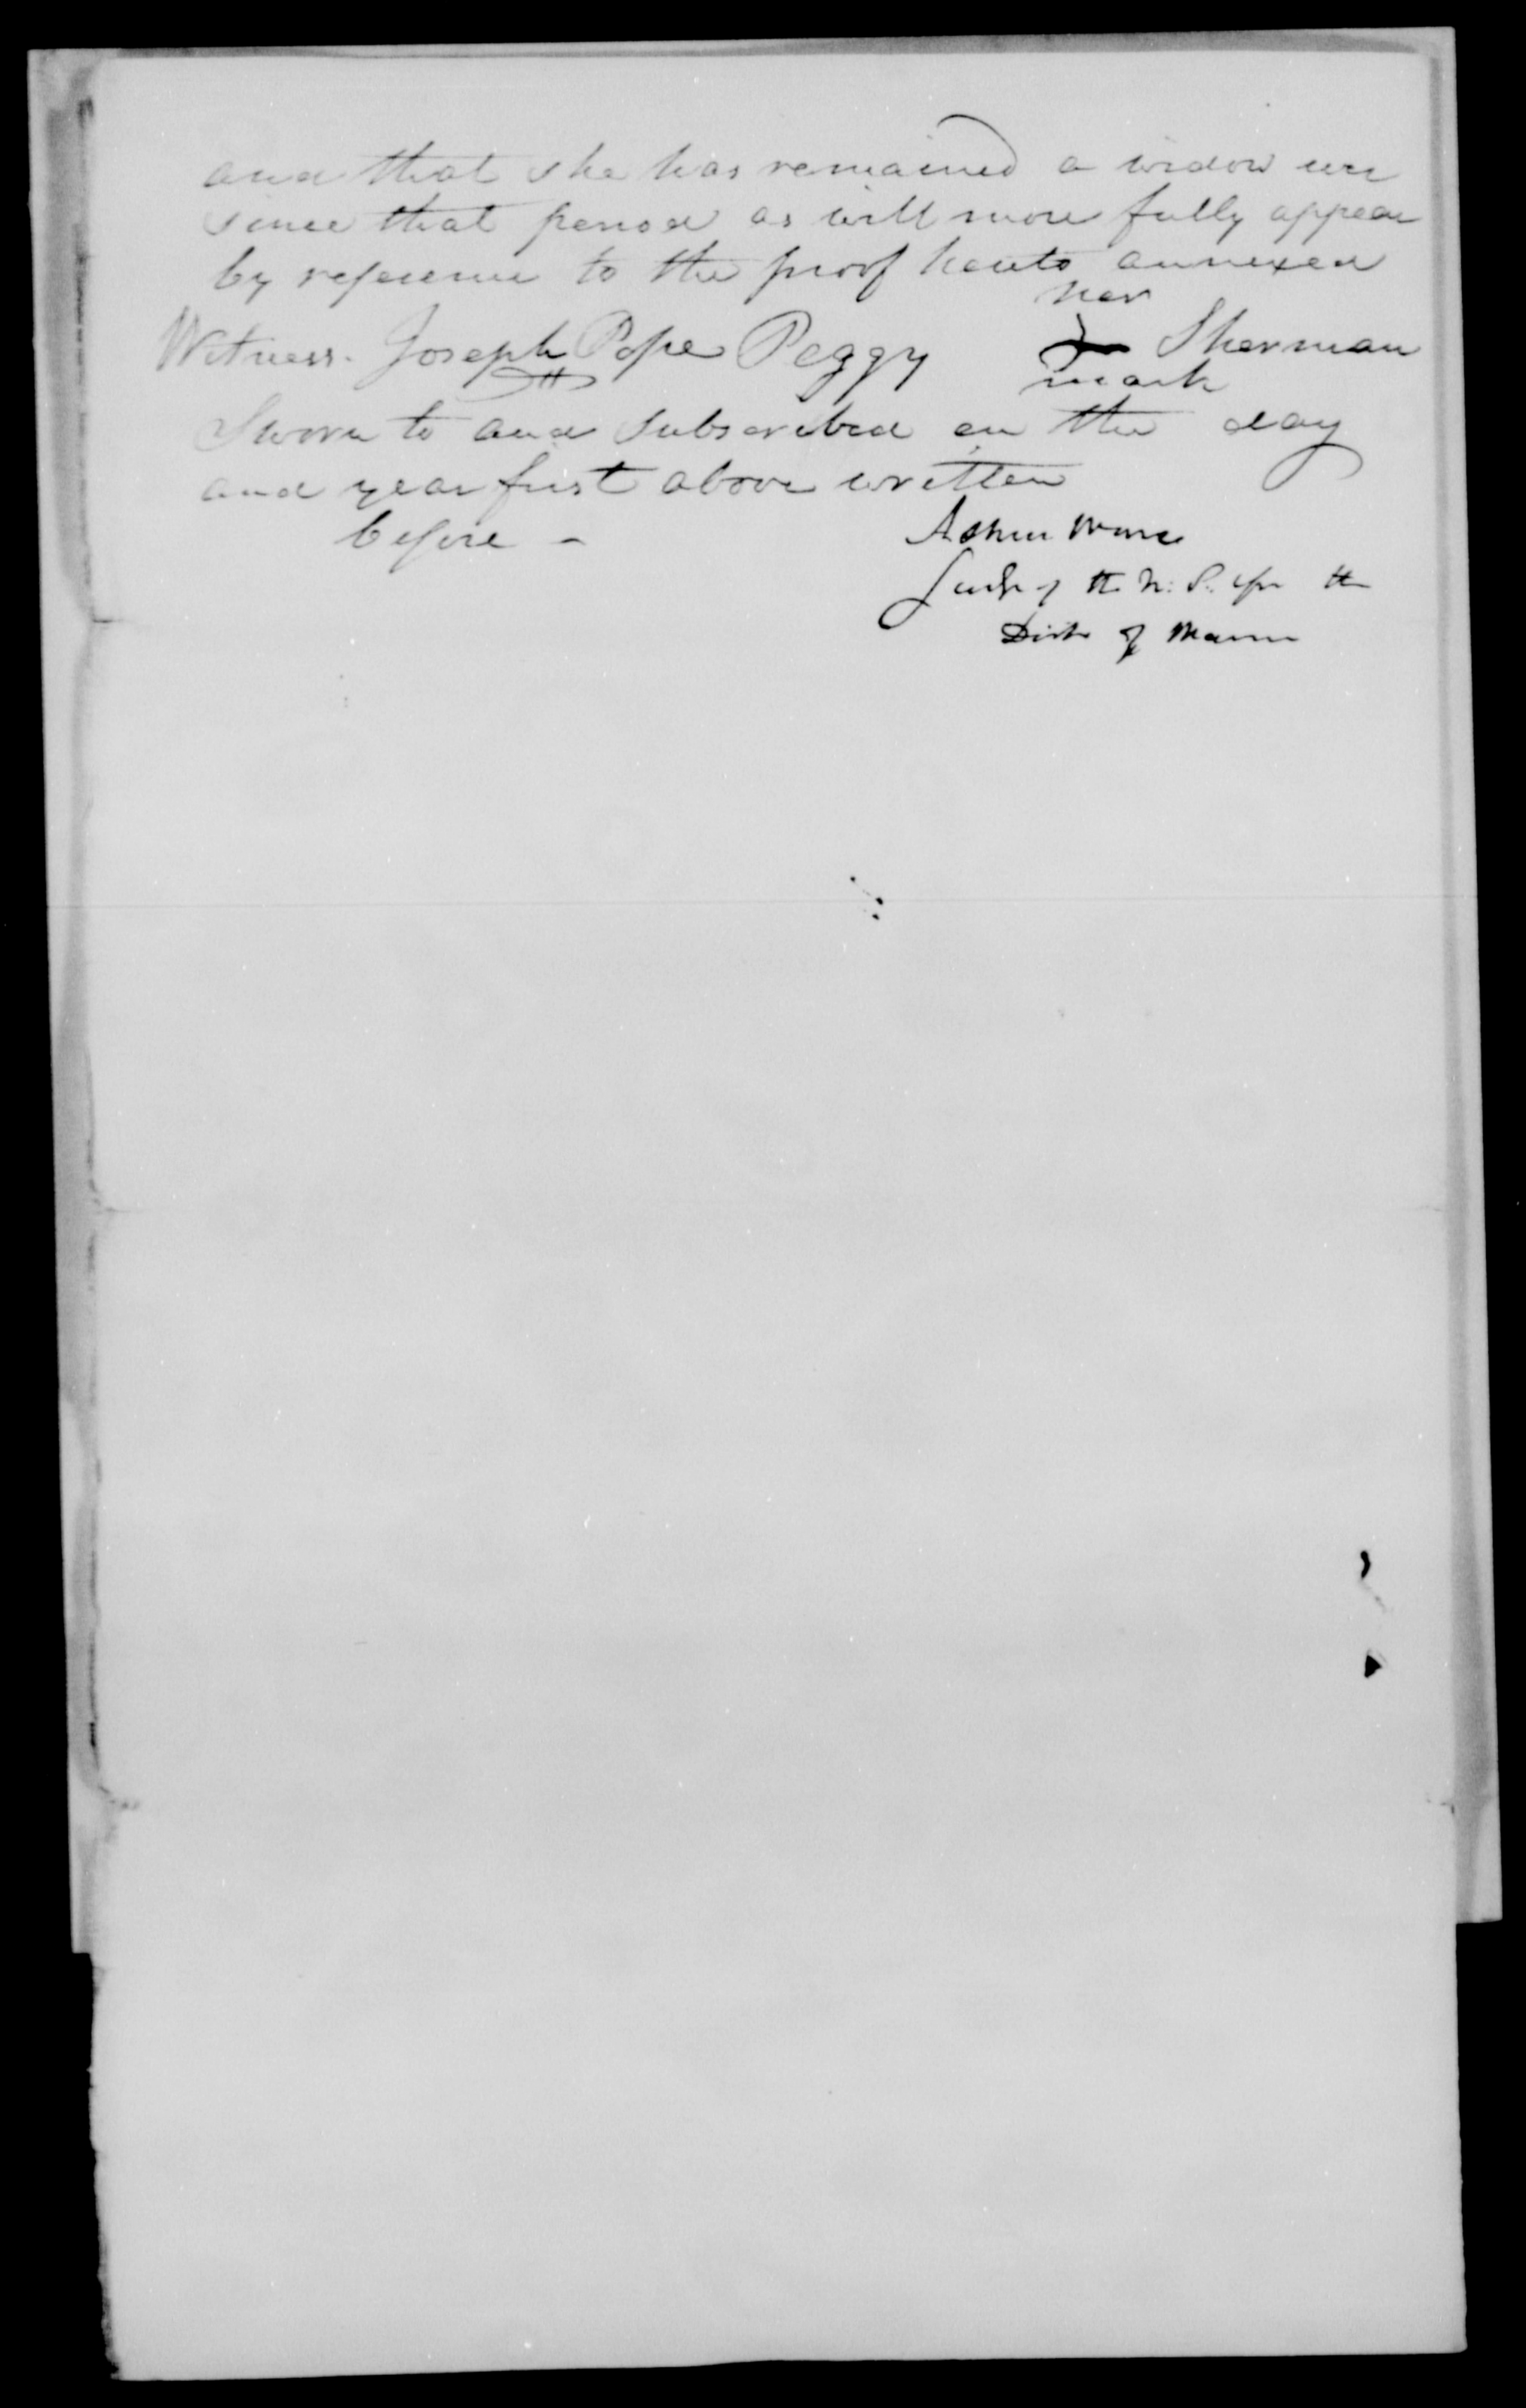[doc is written; page 2 of multipage doc]

and that she has remained a widow ever
since that period as will more fully appear
by reference to the proof hereto annexed

Witness Joseph Pope      Peggy Sherman [a '+' and the words 'her mark' are written over the second name]
Sworn to and subscribed on the day
and year first above written
before     Ashur Ware
Judge U N S for the
Dist of Maine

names: Peggy Sherman; Ashur Ware; Joseph Pope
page: 13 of 20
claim: widow's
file: W. 22,200, for James Sherman, Massachusetts